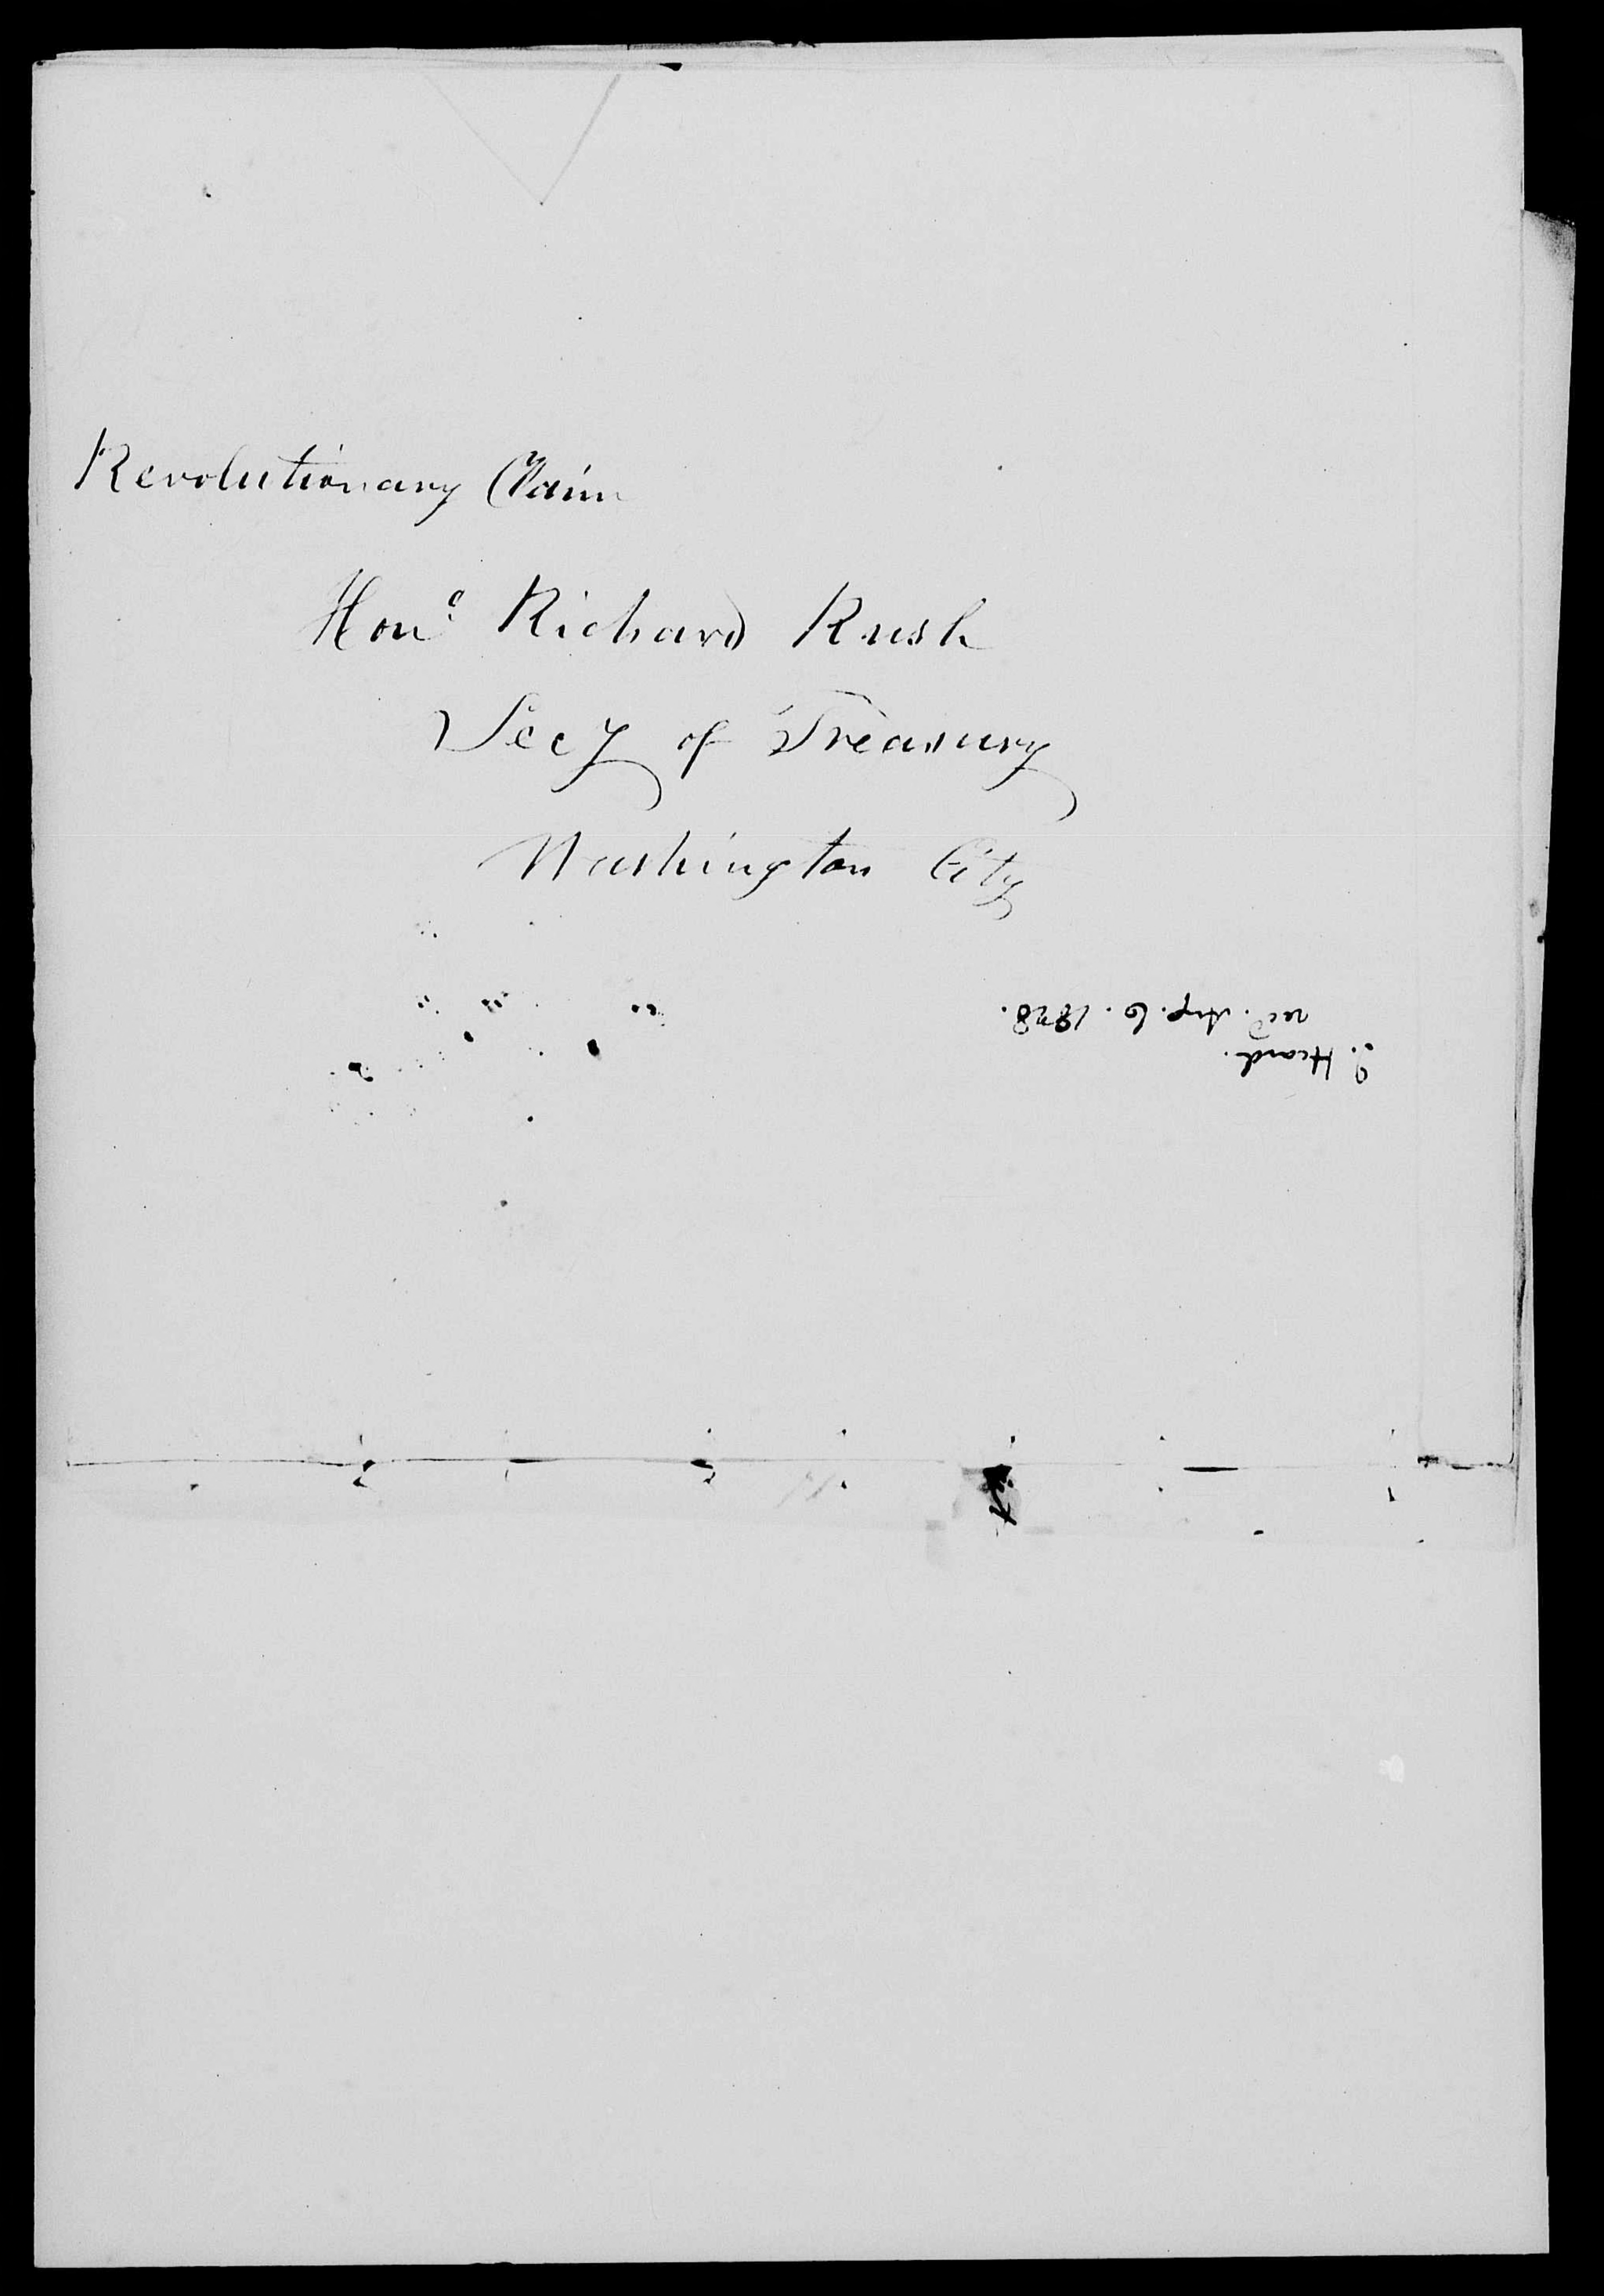Revolutionary Claim
Hon. Richard Rush
Secretary of the Treasury 
Washington City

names: Richard Rush, J Heard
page: 31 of 62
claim: survivor's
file: S. 540, James Heard, Continental - New Jersey Residence In 1818